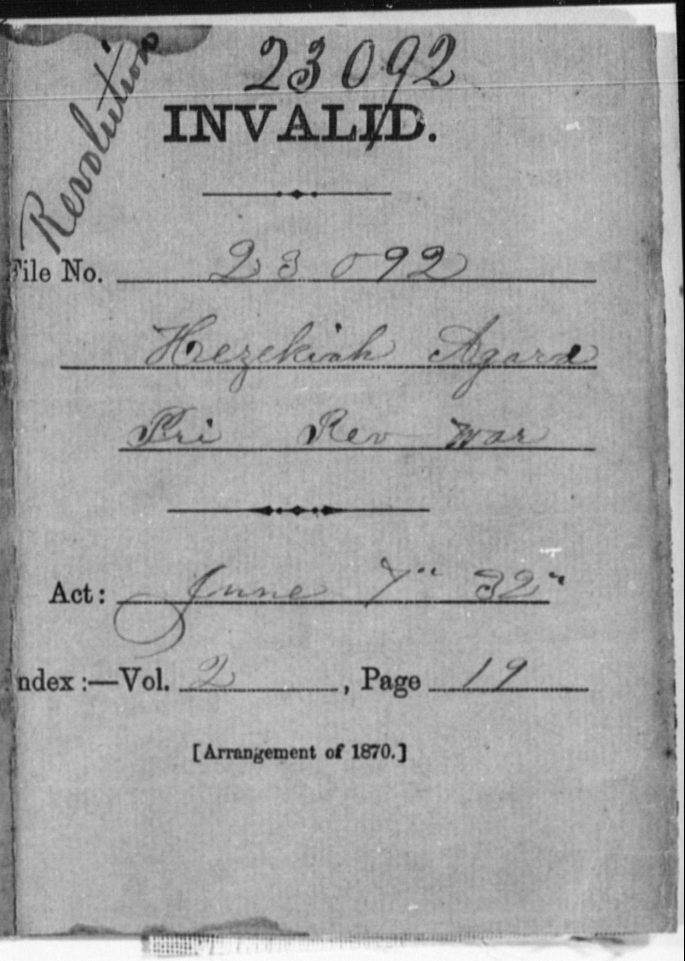23092
Revolution
INVALID.
File No. 23092
Hezekiah Agard
Pri Rev War
Act: June 7th 32
Index:--Vol. 2, Page 19
[Arrangement of 1870.]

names: Hezekiah Agard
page: 16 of 19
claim: survivor's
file: S. 23,092, Hezekiah Agard, Conn.